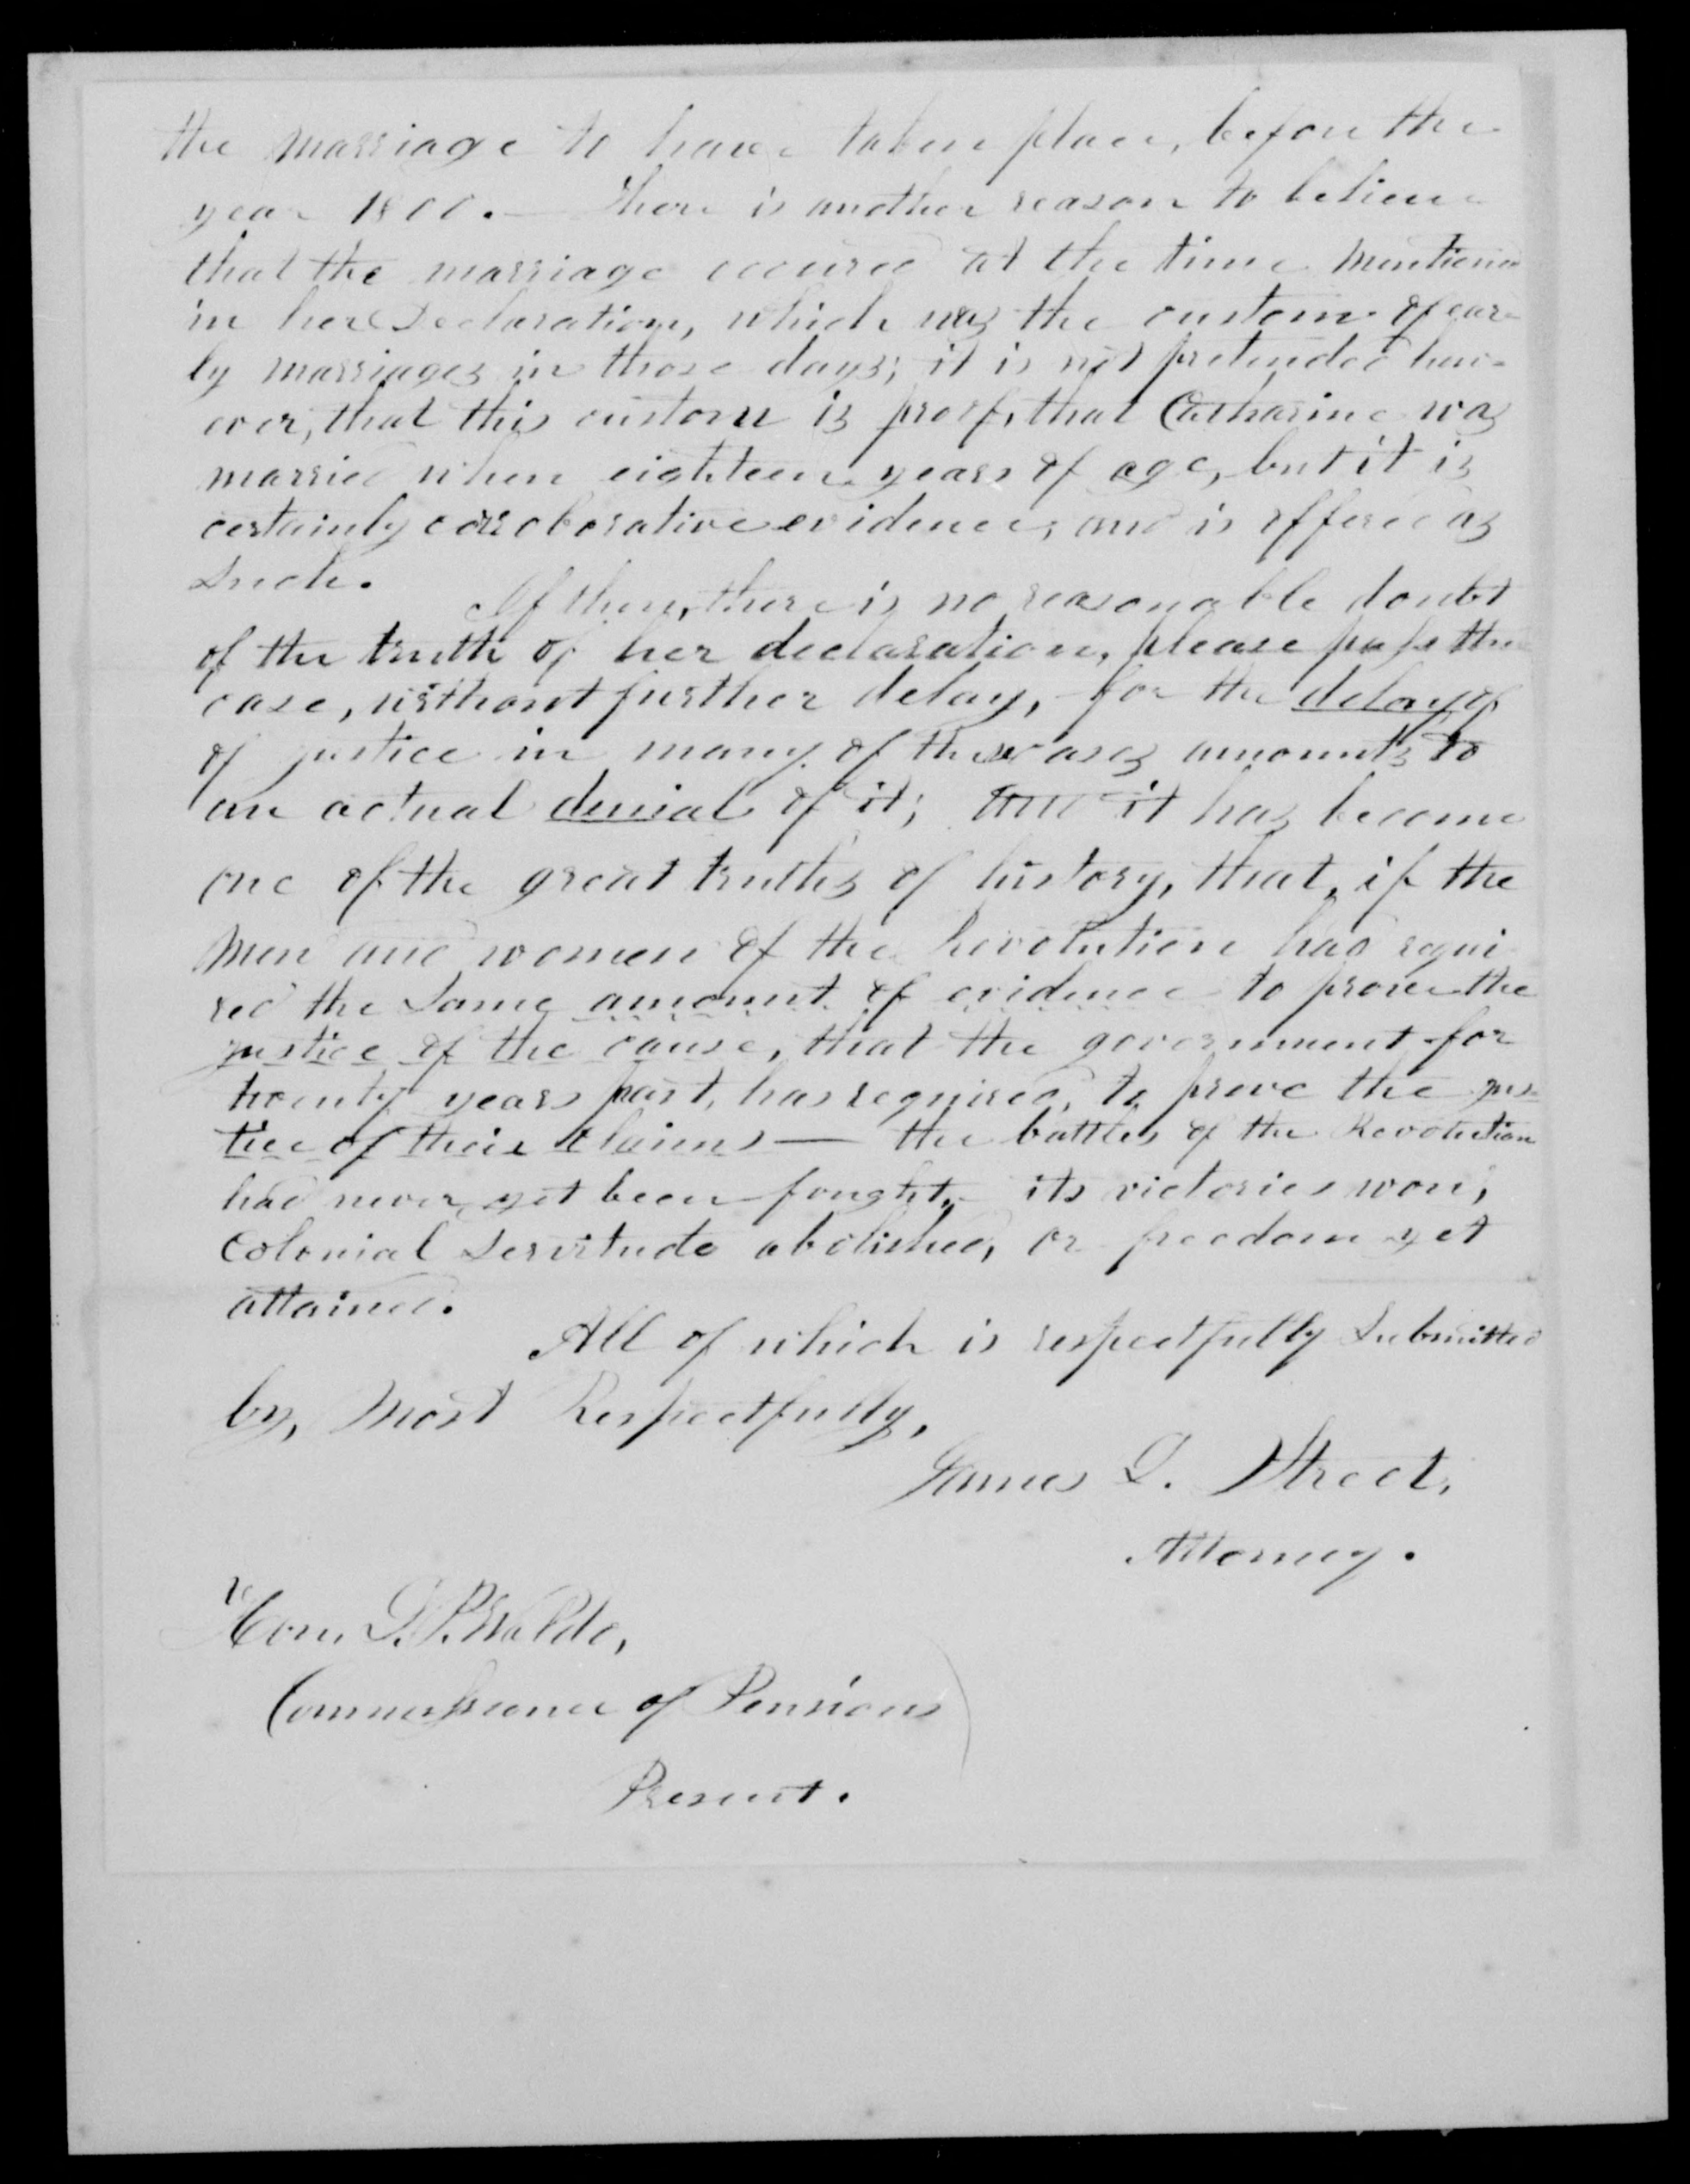the marriage to have taken place before the year 1800. There is another reason to believe that the marriage occurred at the time mentioned in her Declaration, which was the custom of early marriages in those days; it is not pretended however, that this custom is proof, that Catherine was married when eighteen years of age, but it is certainly corroborative evidence; and is offered as such.
If then, there is no reasonable doubt of the truth of her declaration, please pass the case, without further delay, for the delay of justice in many of these cases amounts to an actual denial of it; and it has become one of the great truths of history, that, if the men and women of the Revolution had required the same amount of evidence to prove the justice of the cause, that the government for twenty years past has required to prove the justice of their claims — the battles of the Revolution had never yet been fought, its victories won, colonial servitude abolished, or freedom yet attained.
All of which is respectfully submitted by, most Respectfully,
James T. Street, Attorney.
Hon. L.P. Waldo
Commissioner of Pensions
Present.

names: James L Street; Catharine [BLANK]; L P Waldo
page: 27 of 33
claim: rejected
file: R. 5603, for Nathan Spicer, New York